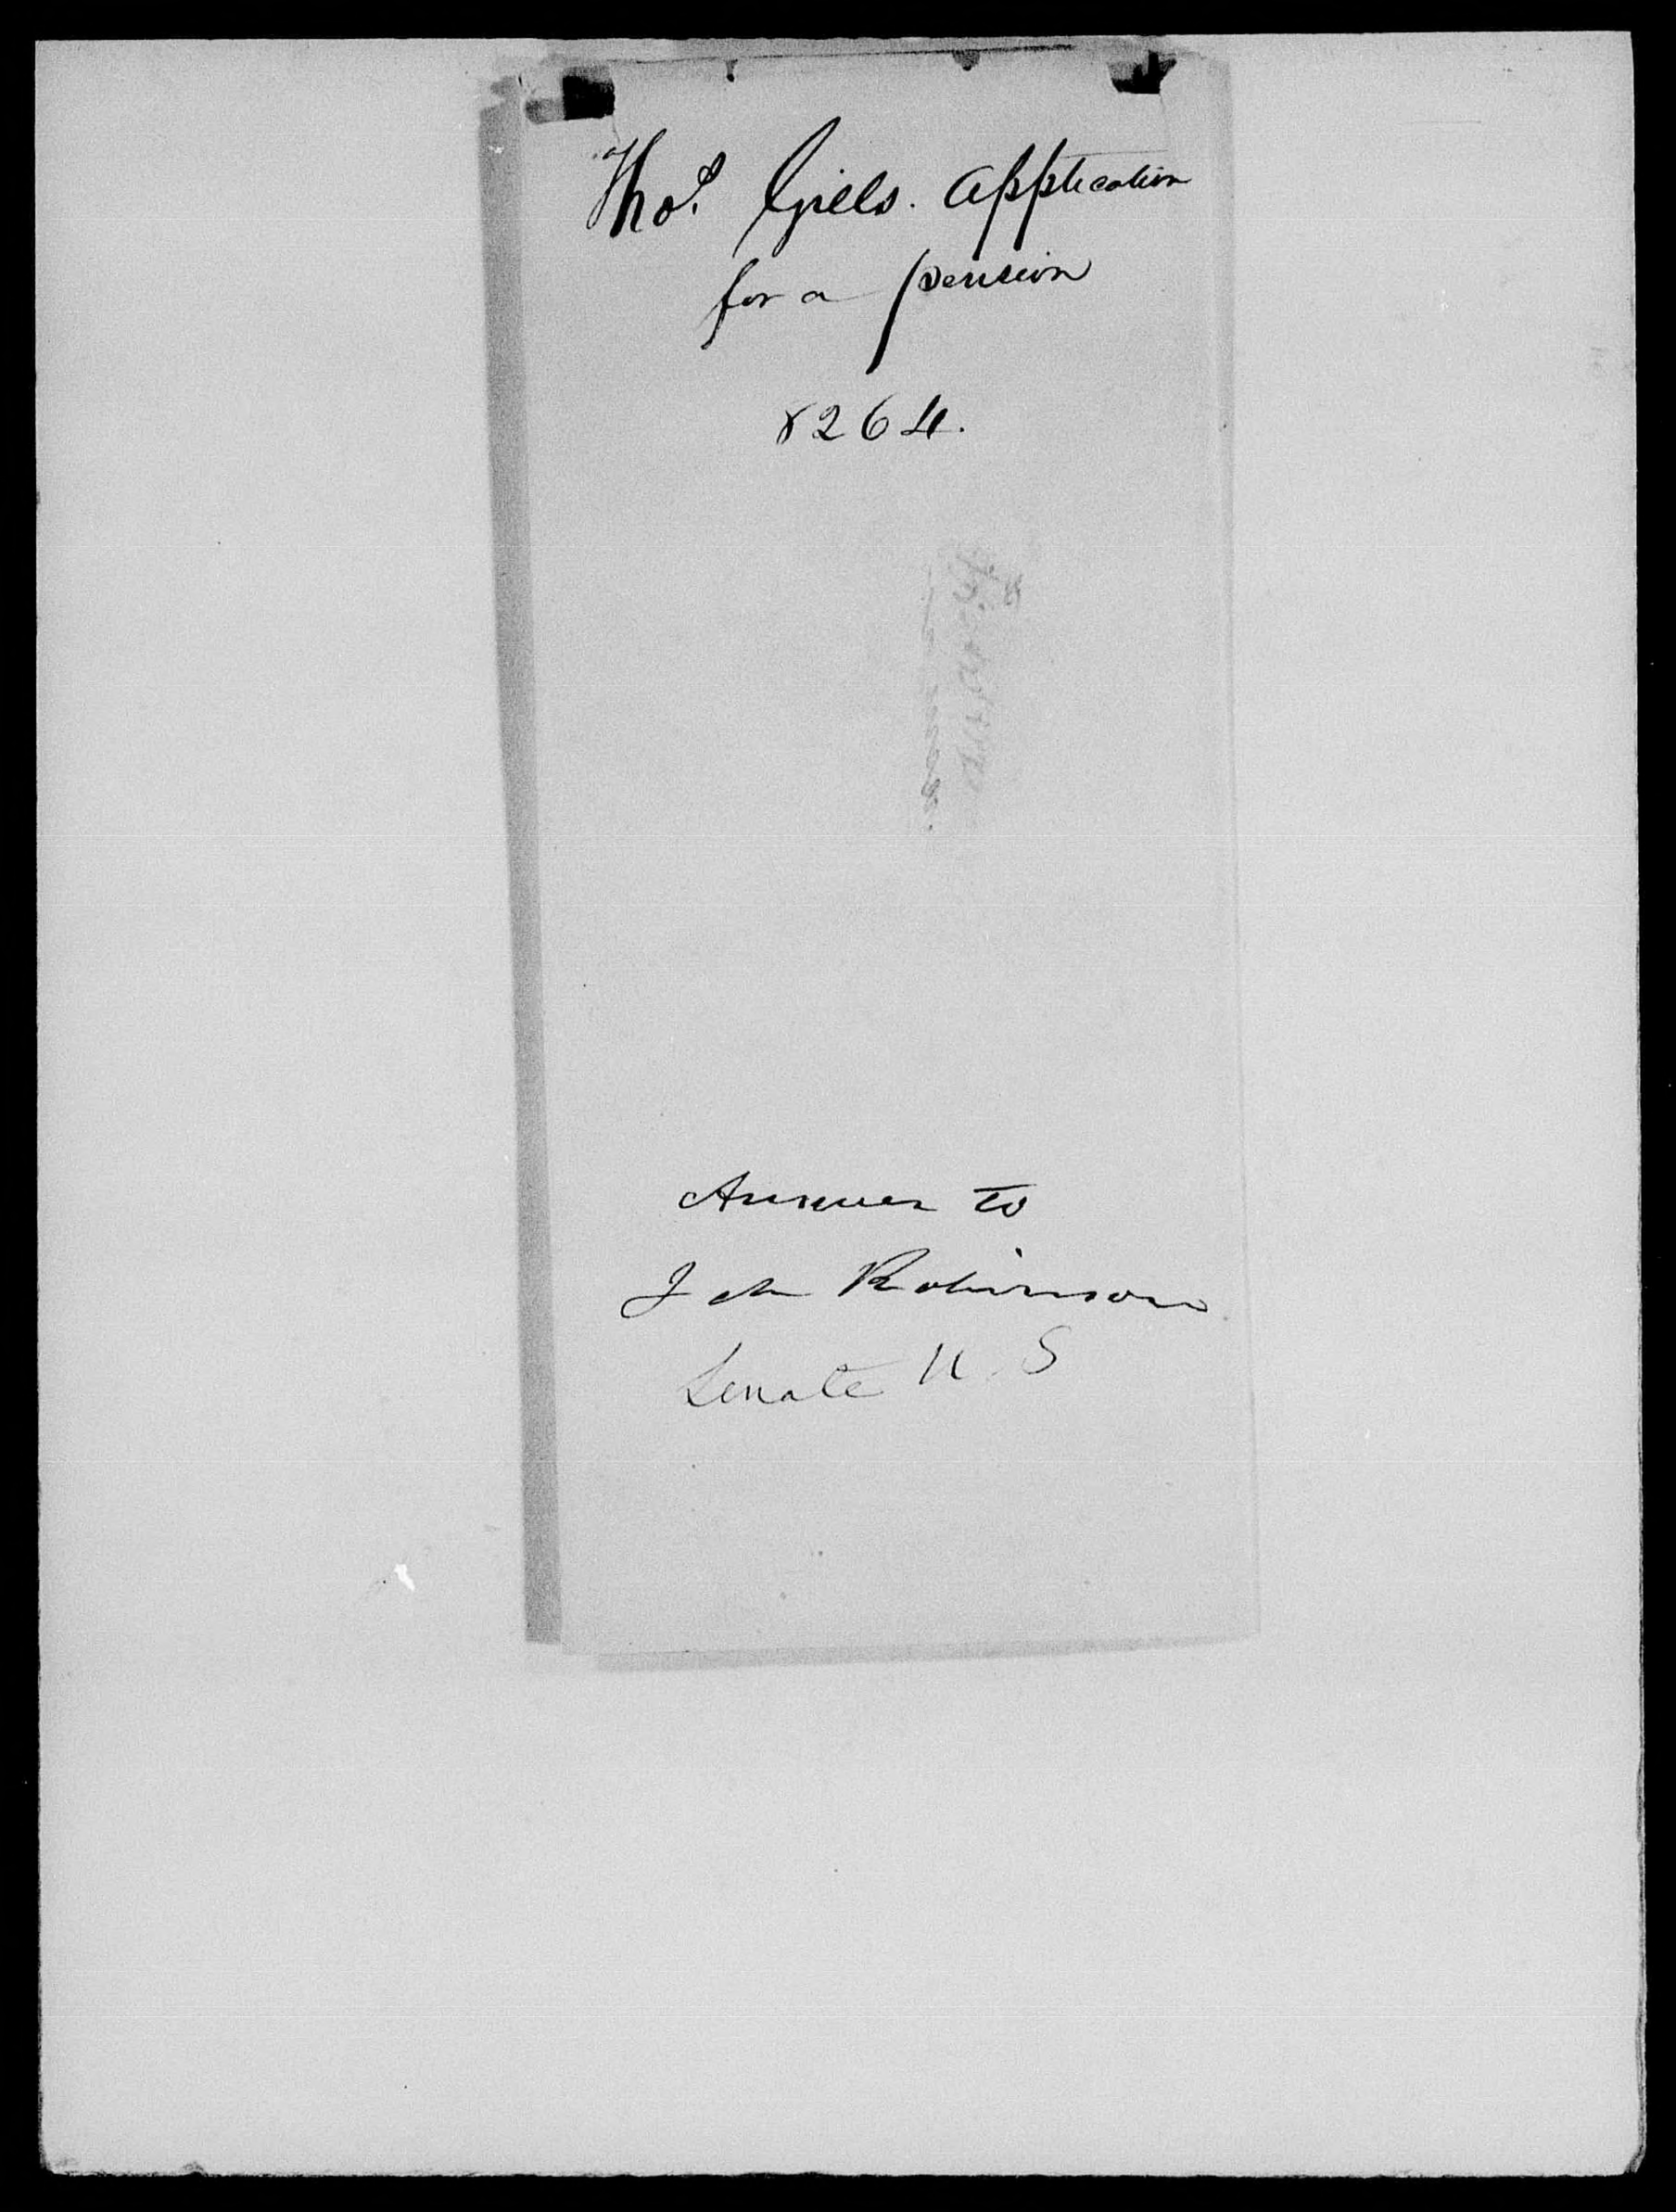Thos . Gill's application for a pension 8264 Answer to John Robinson  Senate U.S.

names: J M Robinson, Thos Gills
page: 13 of 44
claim: survivor's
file: S. 31,061, Thomas Gill, S.C.